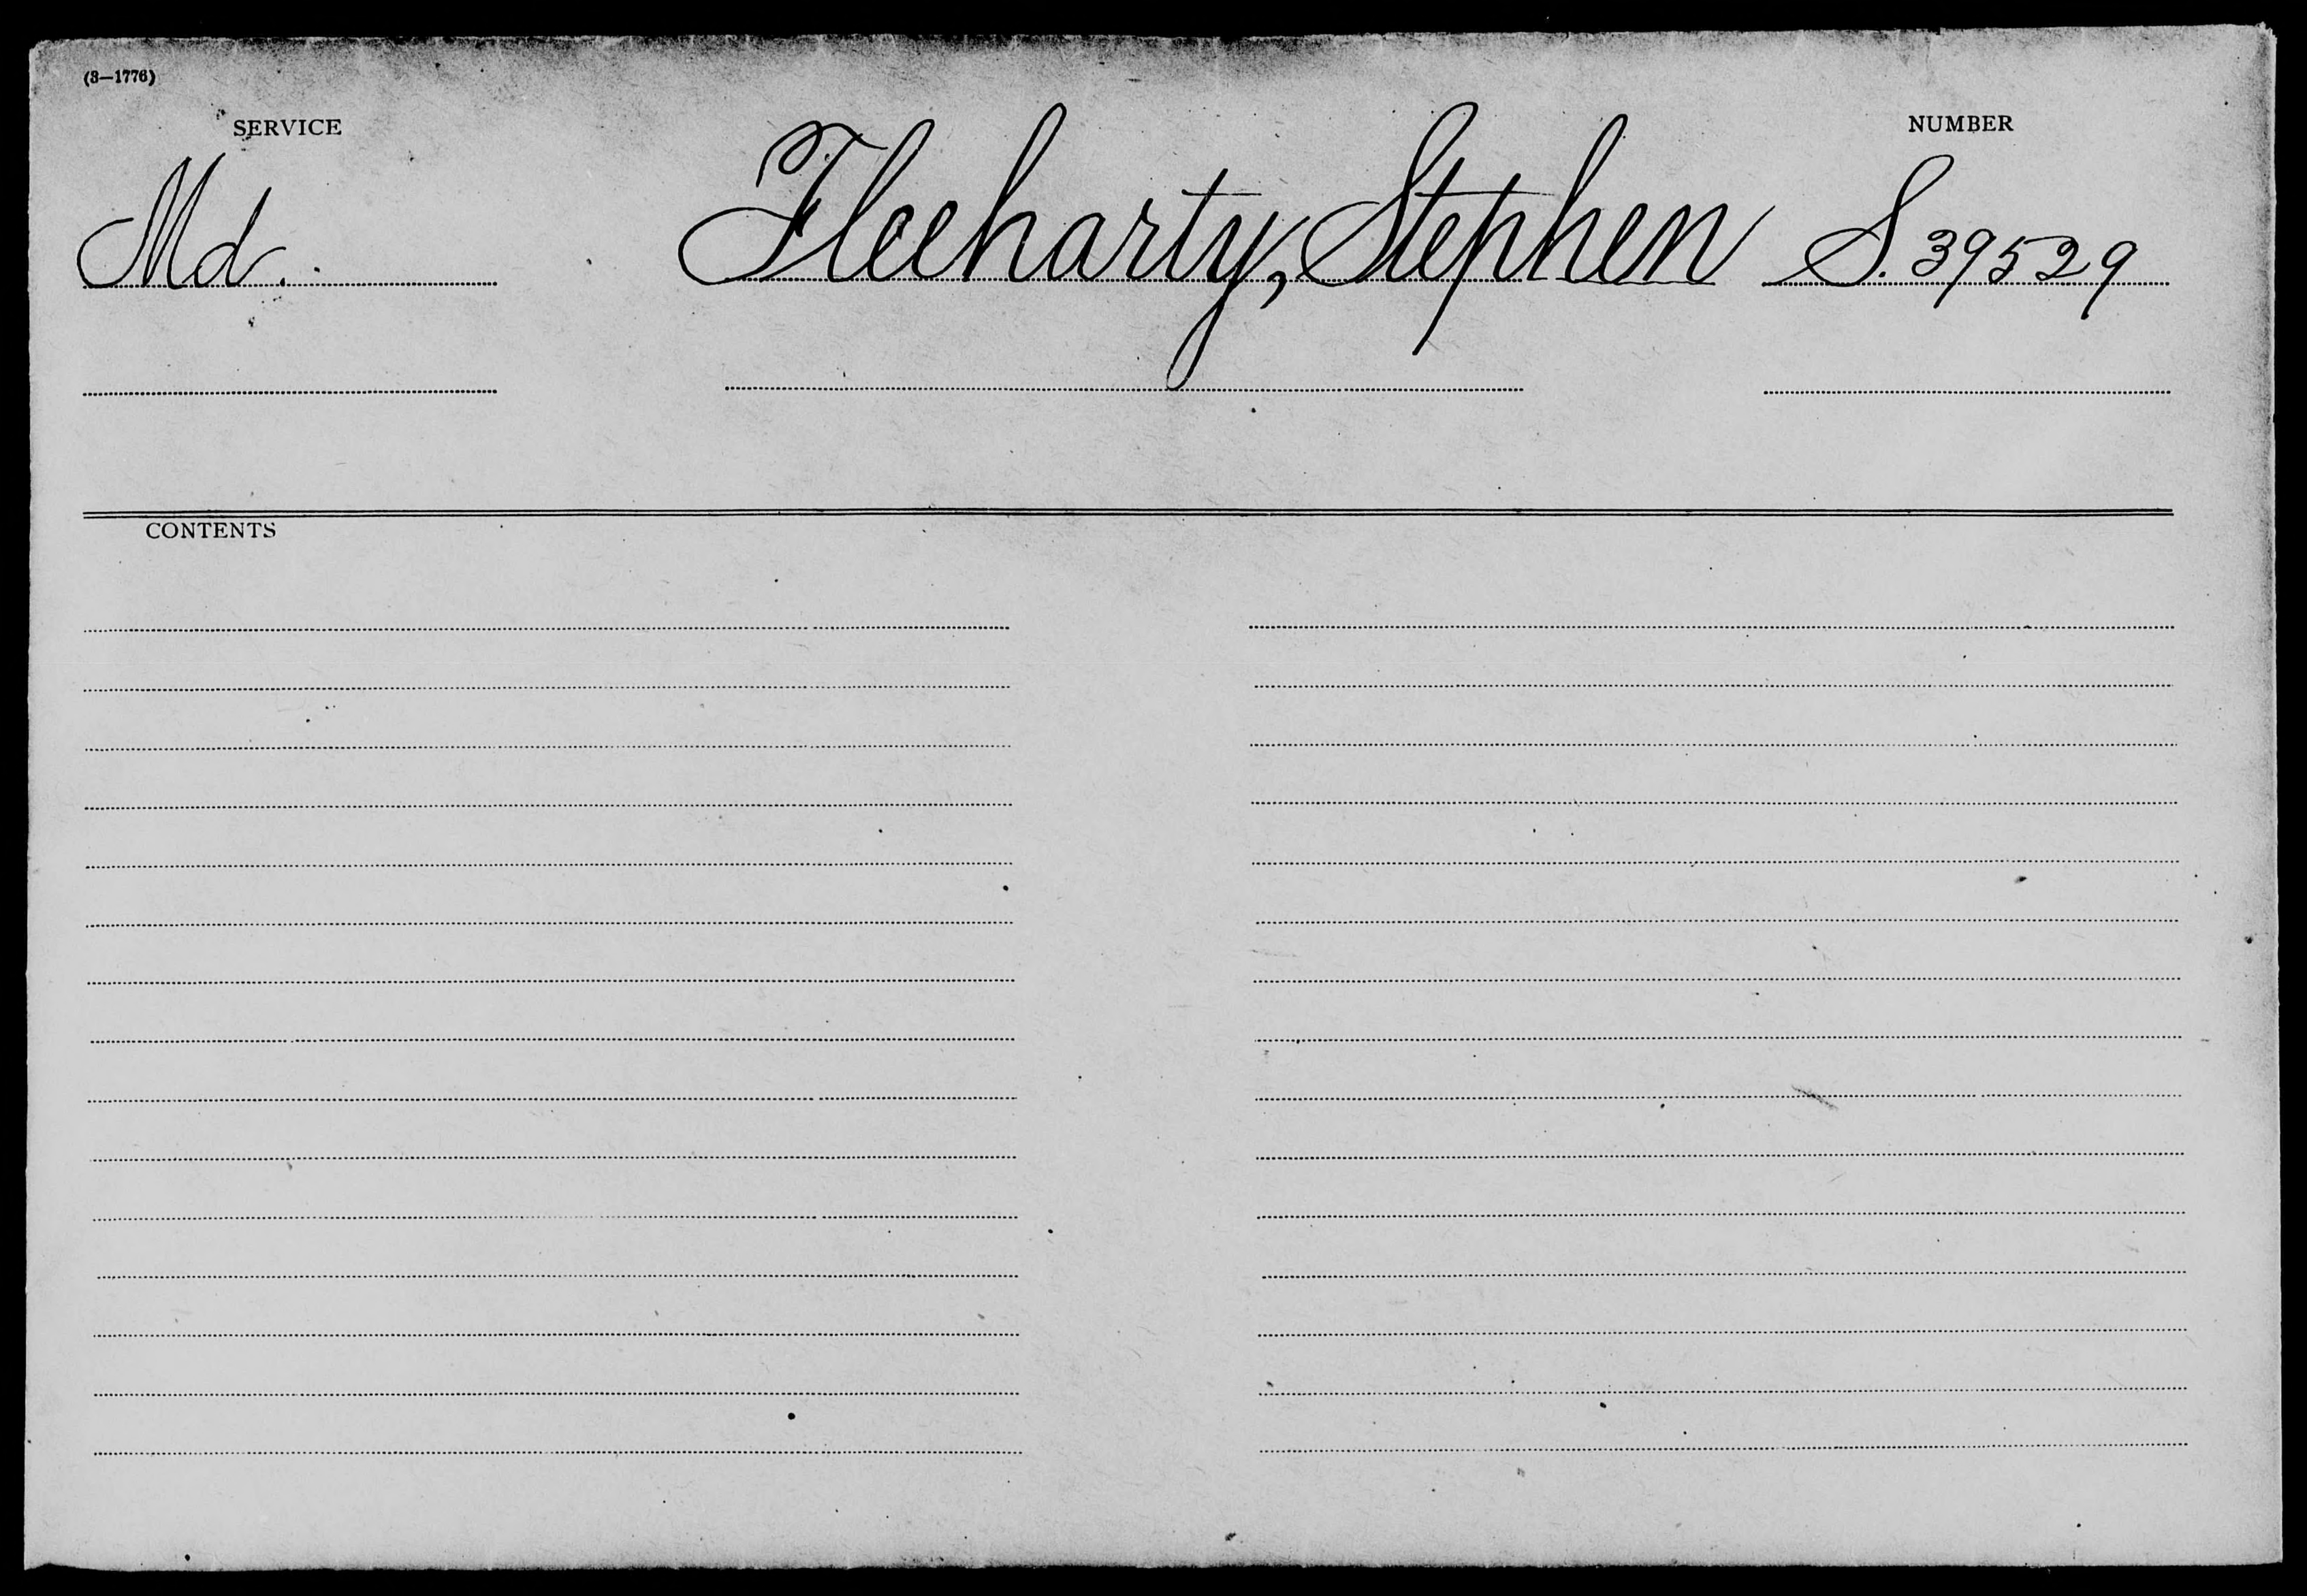Service 
Md 

Fleeharty, Stephen 

Number 
S. 39529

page: 1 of 14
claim: survivor's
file: S. 39529, Stephen Fleeharty, Md.